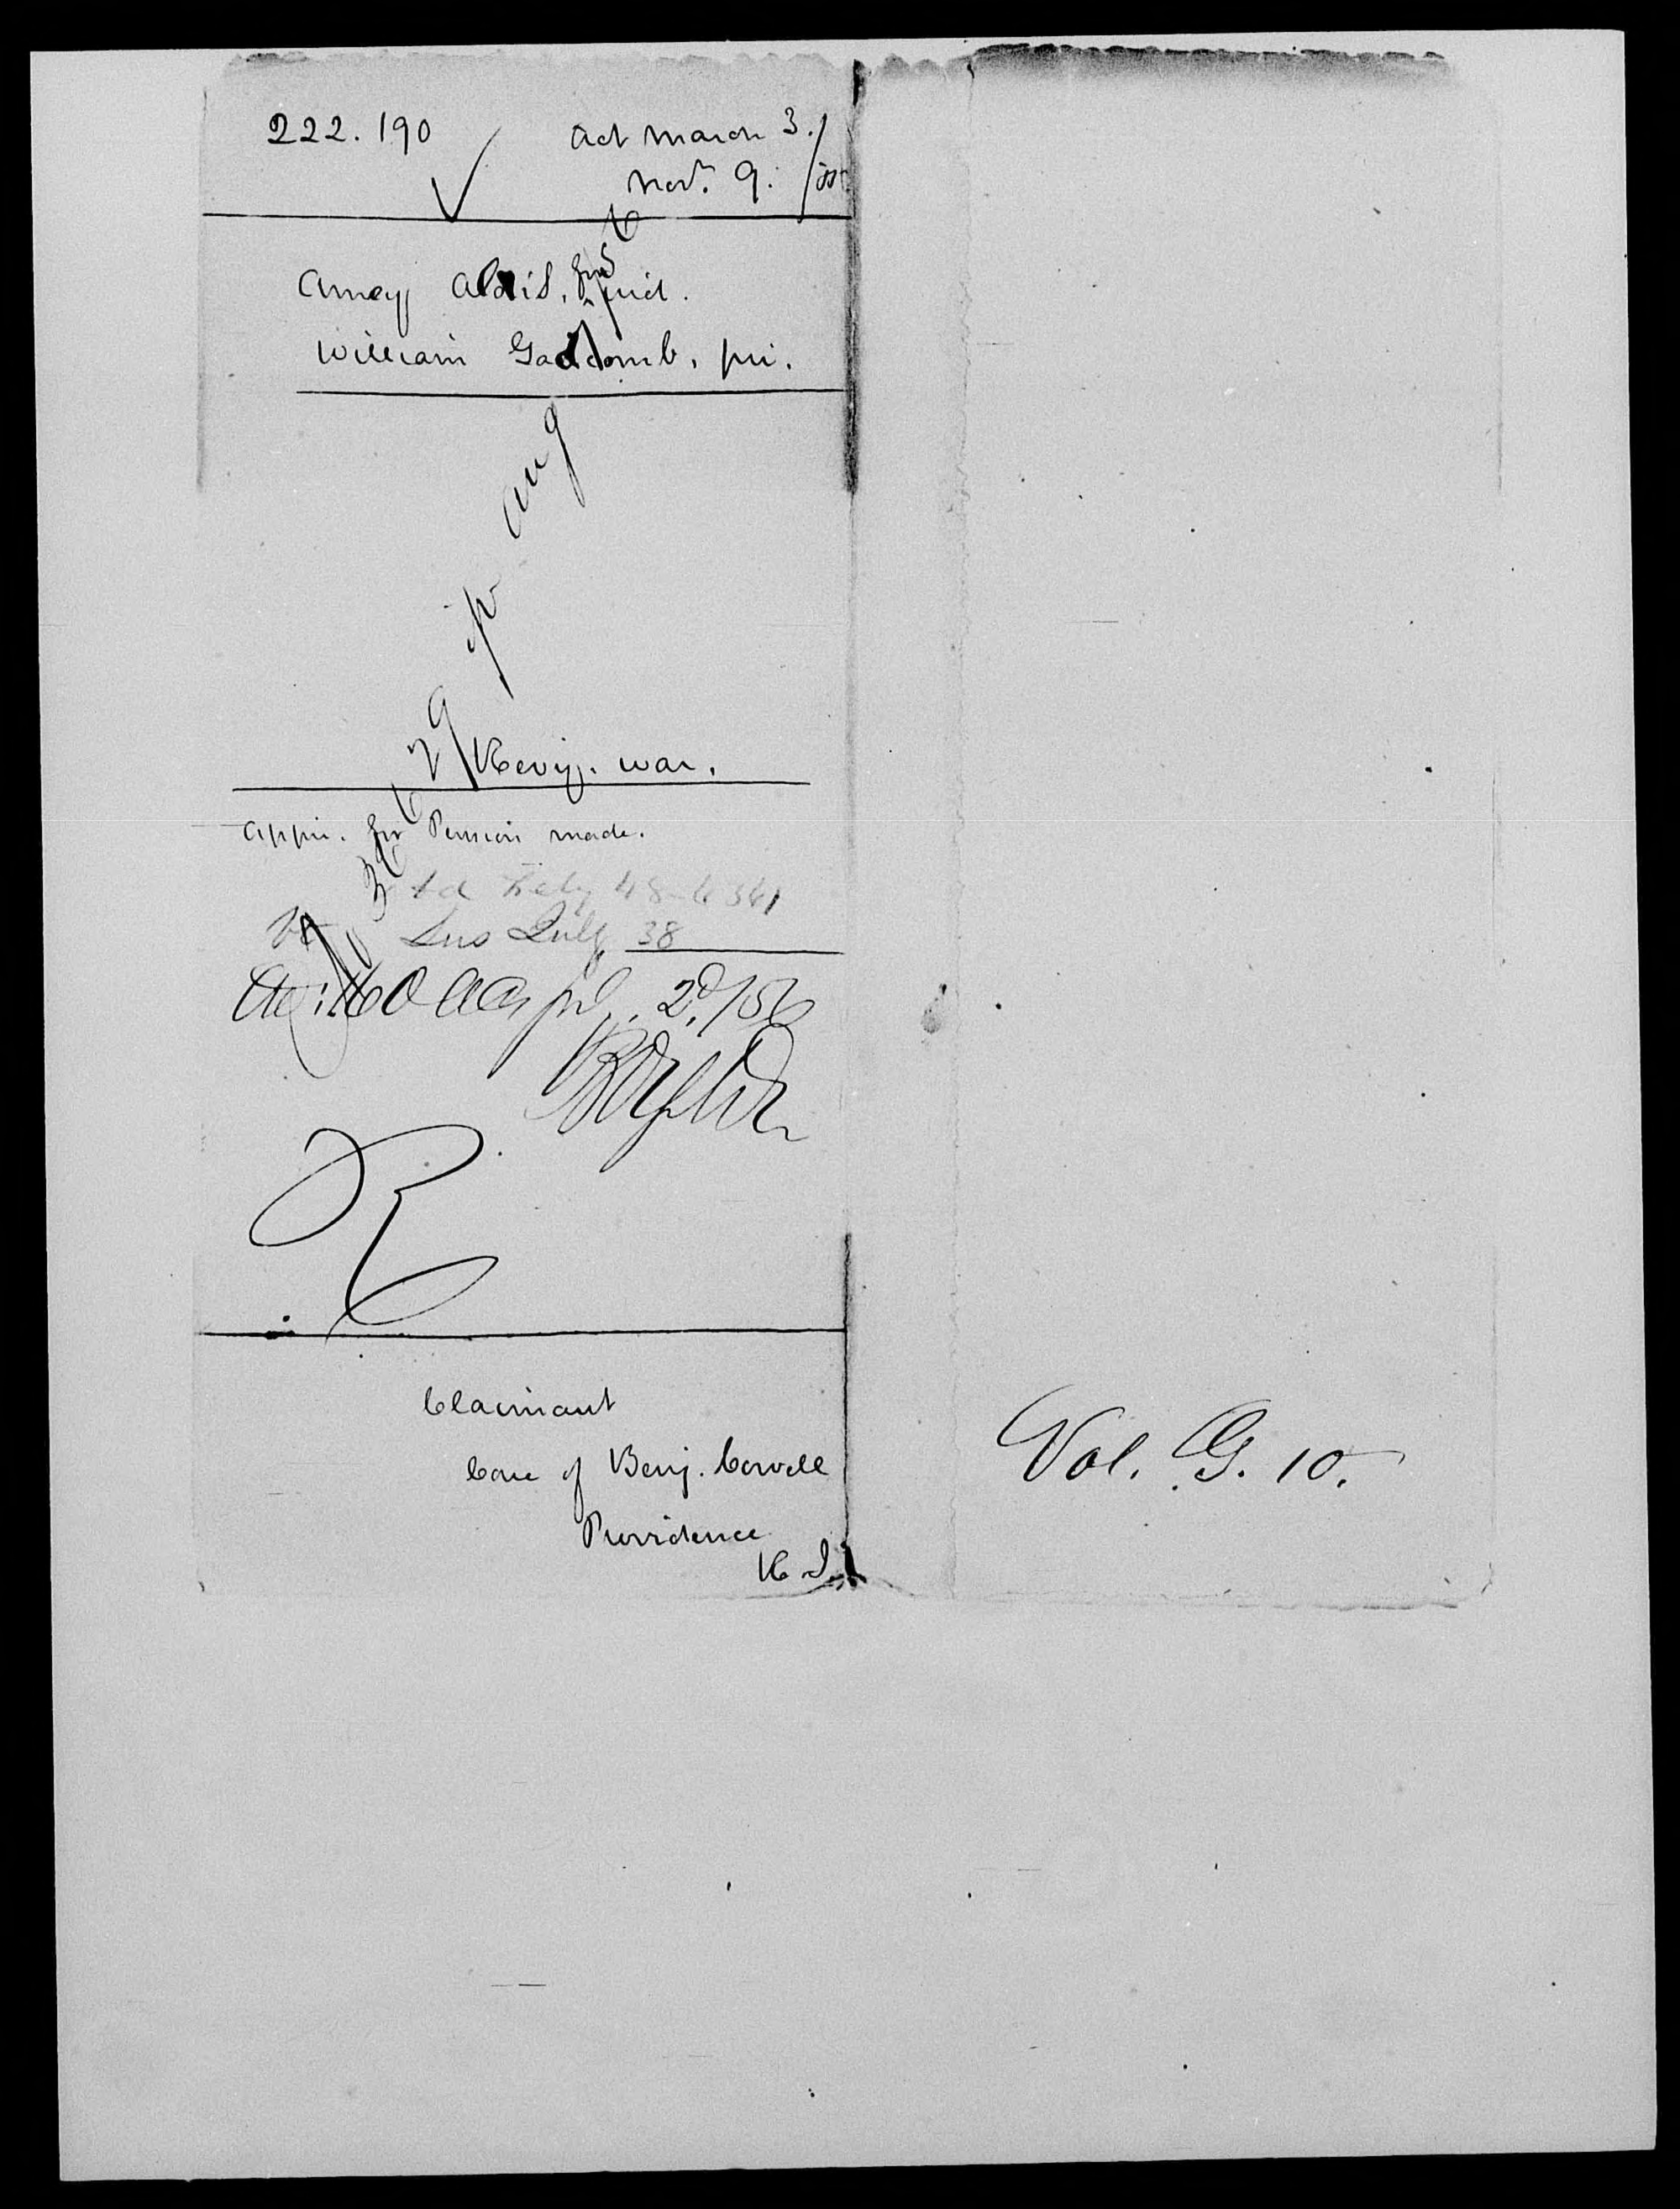No. 36629 [illegible] Aug 7 /56
222.190
Act March 3
Nov. 9. [illegible]
Amey Aldis wid.
William Gadcomb, pri.
Revy. War.
Appli. for Pension made
[illegible] 48-6361
Vt. [illegible] July 38
[illegible] April 2d / 56
R. D. [illegible]
R
Claimant
Case of Benj. Cowell
Providence
Vol. G. 10.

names: Boynton, Amey Aldis, William Gadcomb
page: 3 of 76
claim: widow's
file: W. 15,517, William Gadcomb, R.I.